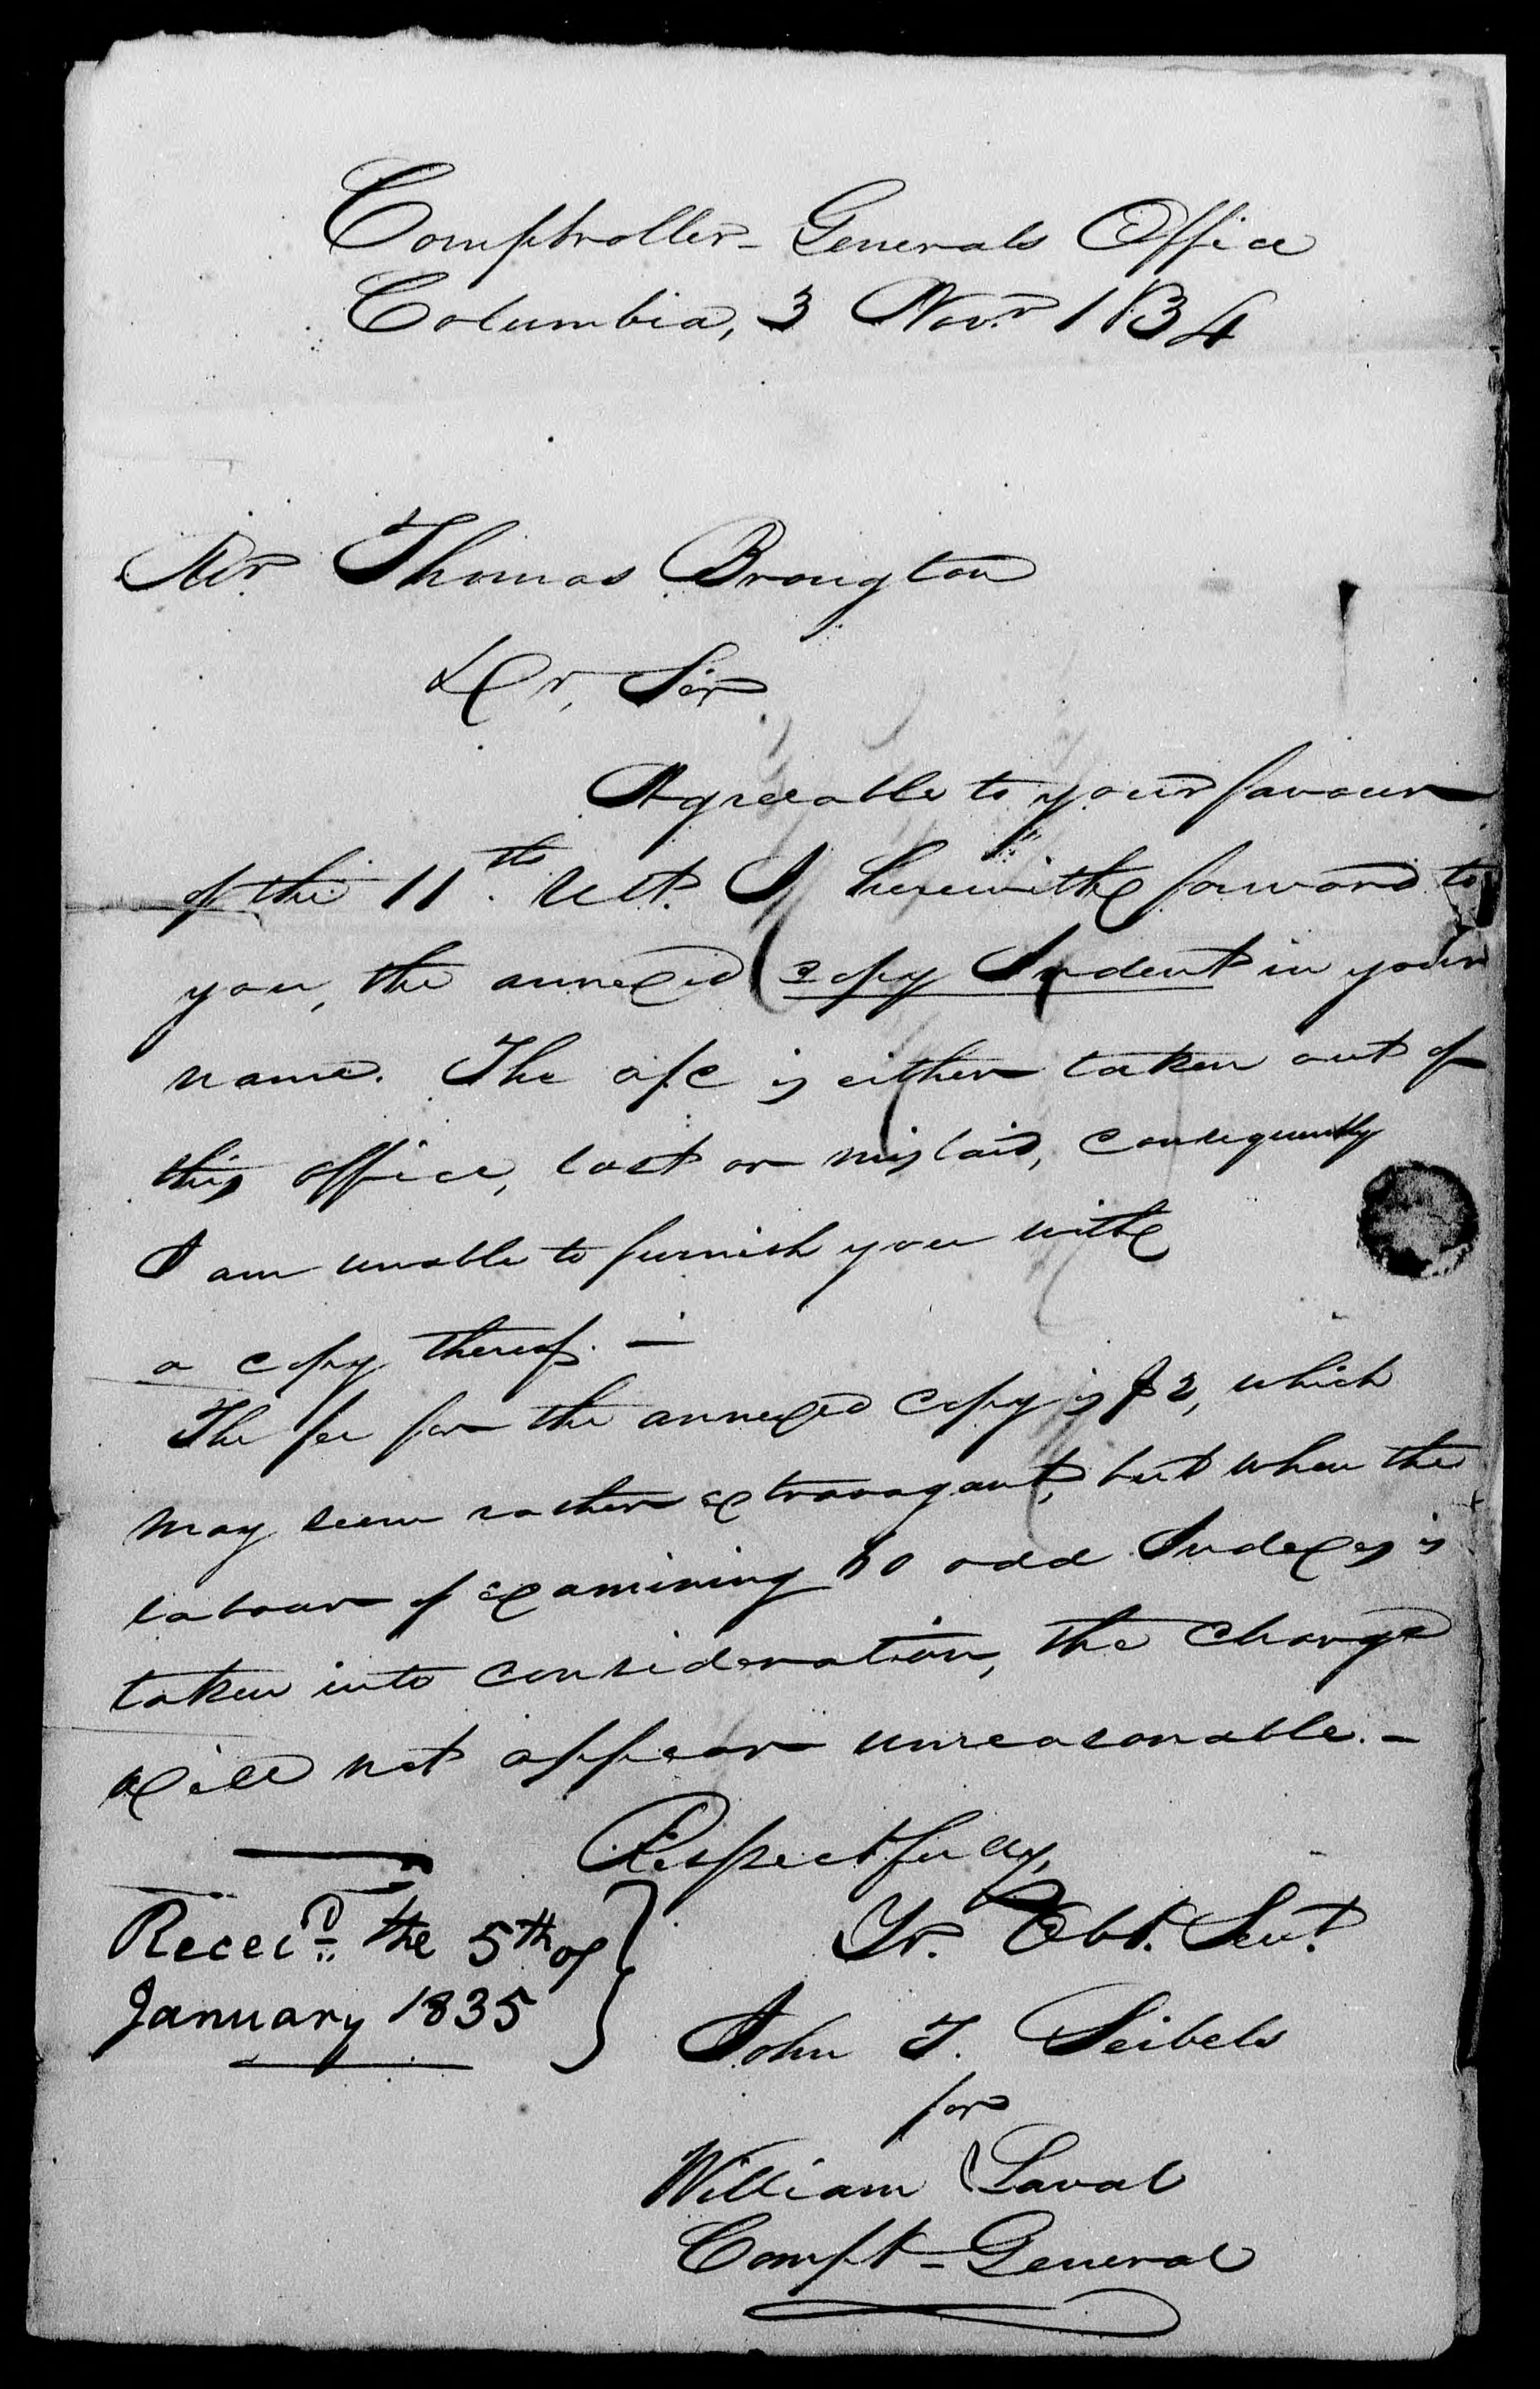Comptroller-Generals Office
Columbia, 3 Novr. 1834
Thomas Broughton
Dr Sir
Agreeable to your favour of the 11th ult. I herewith forward to you, the annexed copy indents in your name.  The acct is either taken out of this office, lost or mislaid, consequently I am unable to furnish you with a copy thereof-
The fee for the annexed copy is $2, which may seem rather extravagant, but when the labour of examining 60 odd Indexes is taken into consideration, the charge will not appear unreasonable.-
Respectfully,
Yr. obt. Servt.
[signature] John T. Seibels
for William Laval
Compt-General
Reced. the 5th of January 1835}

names: William Laval, John T Seibels, Thomas Broughton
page: 41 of 72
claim: widow's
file: W. 897, Thomas Broughton, S.C.